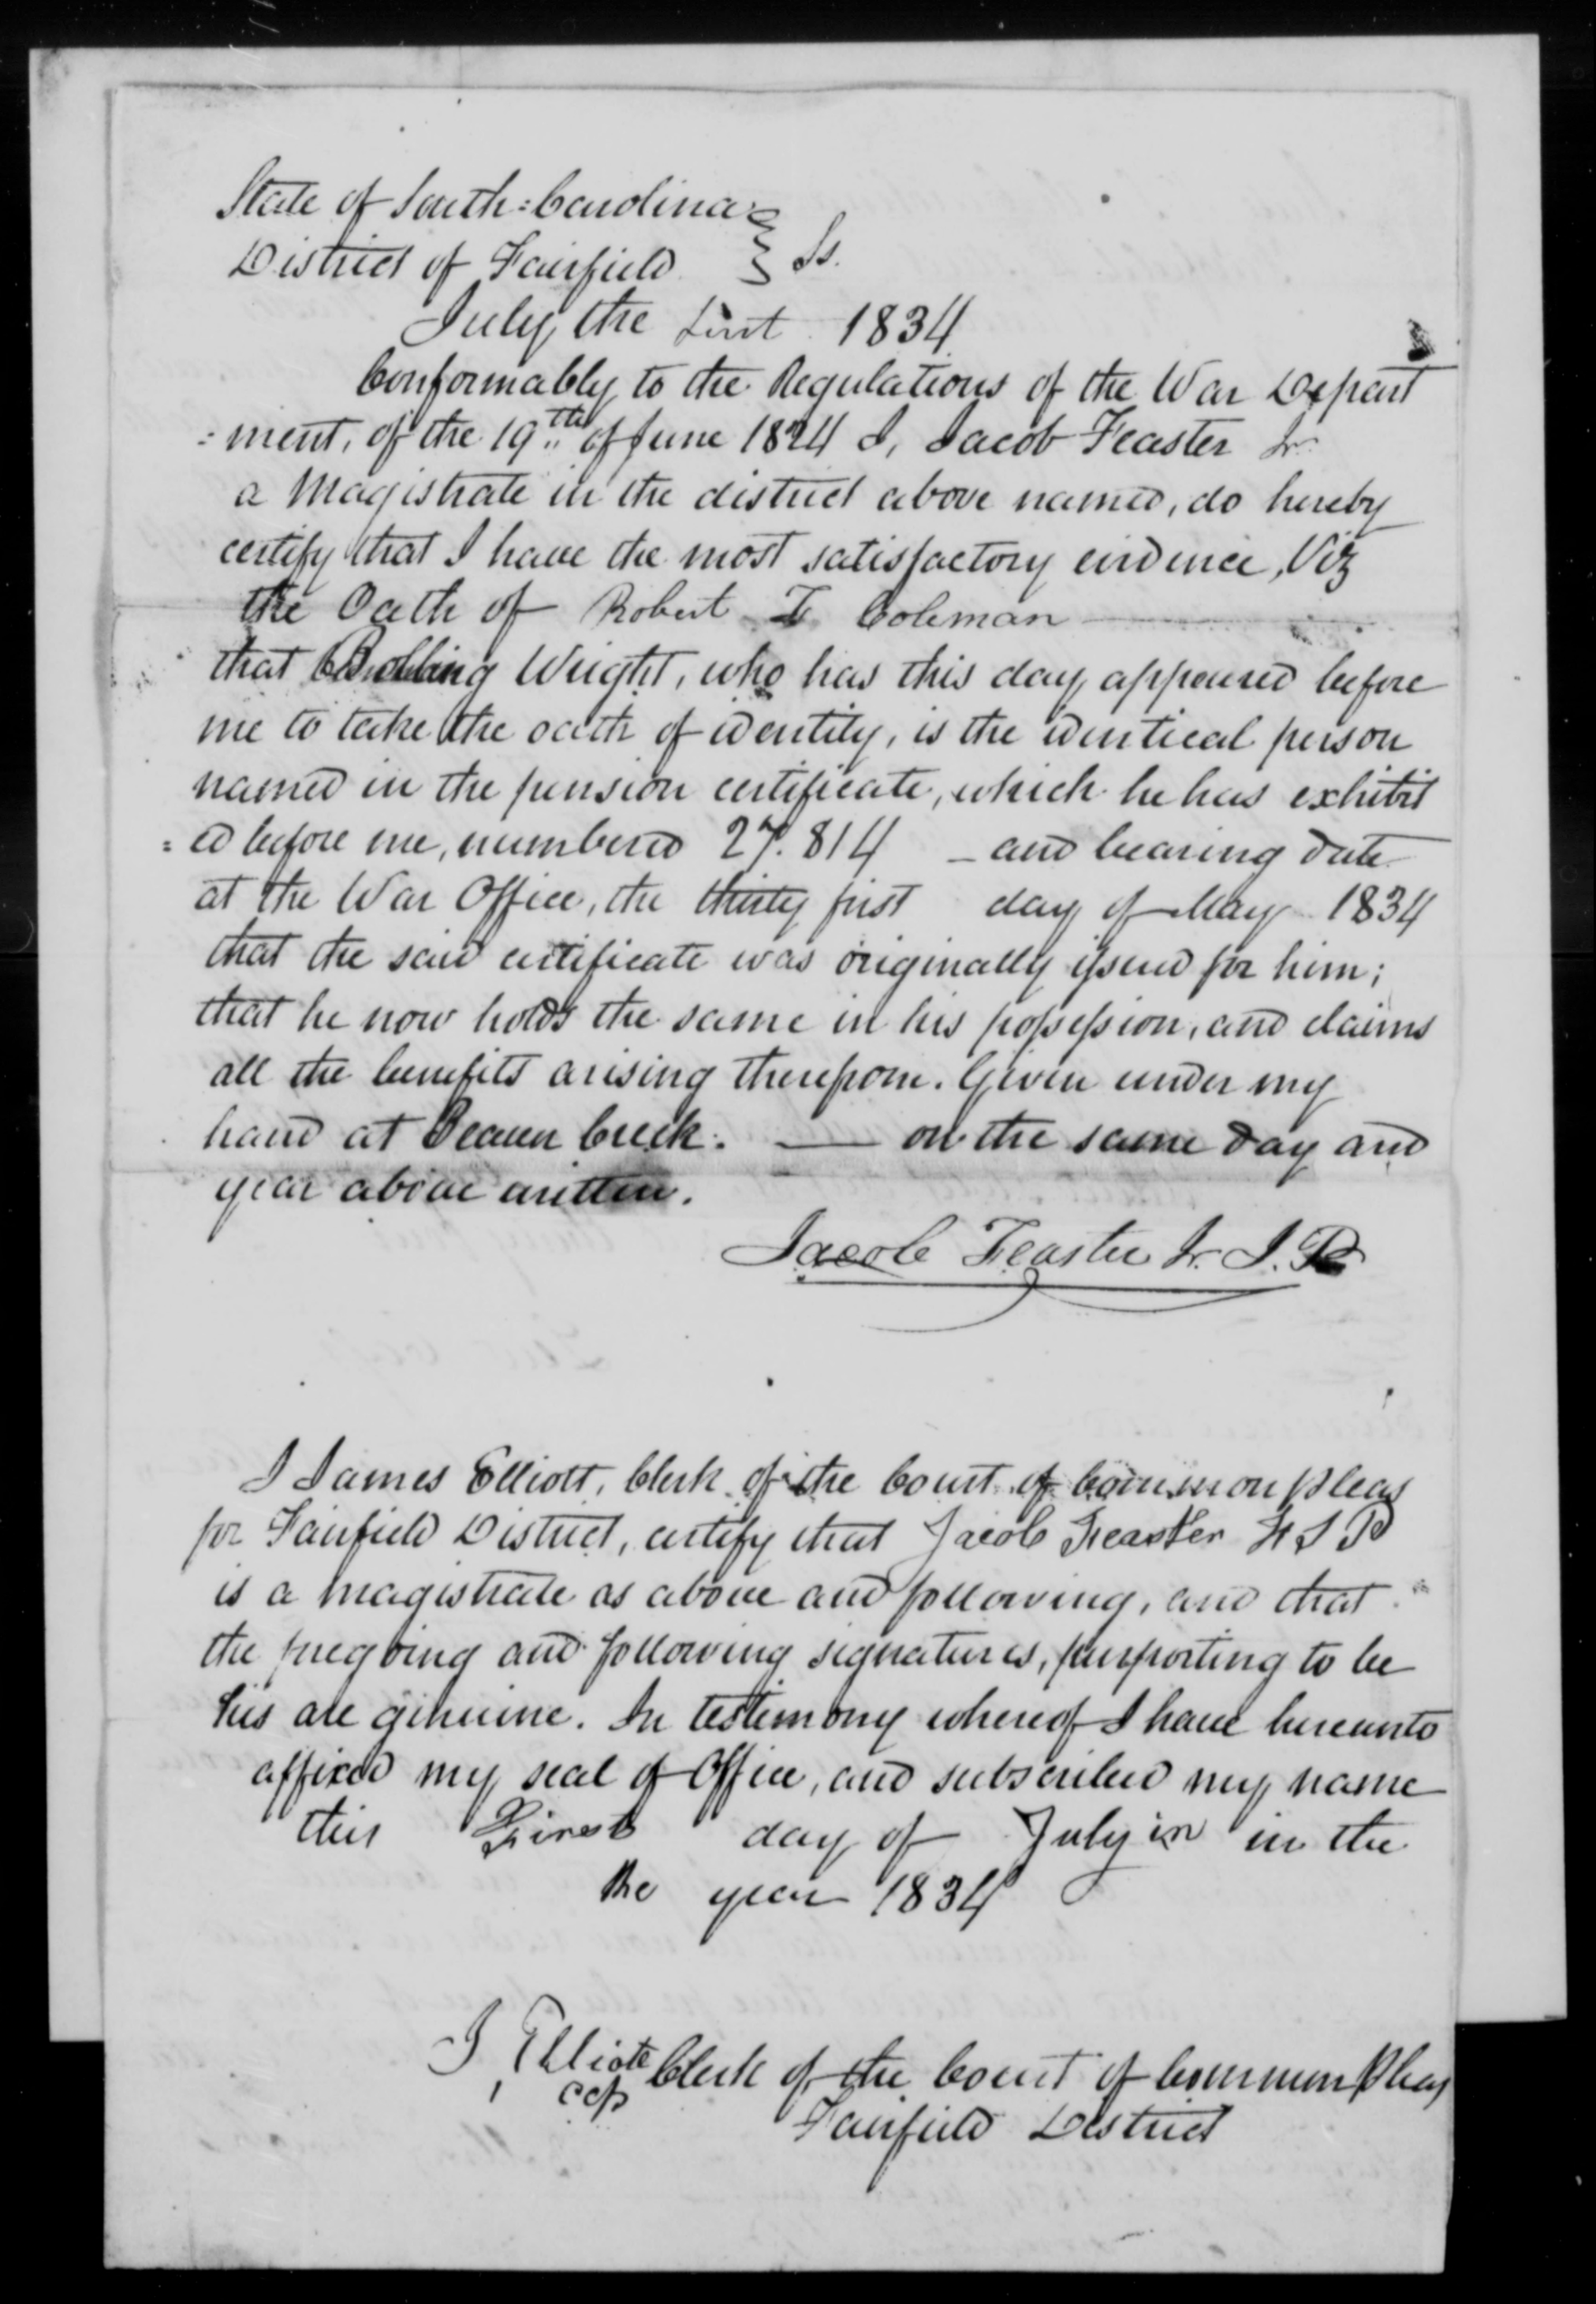State of South Carolina
District of Fairfield
July the first 1834

Conformably to the Regulations of the War Department of the 19th of June 1824, I Jacob Feaster Jr., a Magistrate in the district above named, do hereby certify that I have the most satisfactory evidence, Via the Oath of Robert F. Coleman that Bolling Wright, who has this day appeared before me to take the Oath of identity is the identical person named in the pension certificate which he has exhibited before me numbered 27.814 - and bearing date at the War Office, the thirty first day of May 1834 that the said certificate was originally issued for him; that he now holds the same in his possession, and claims all the benefit arising therefrom.  Given under my hand at Beaver Creek - on the same day and year above written.  Jacob Feaster Jr., J.P.

I James Elliott Clerk of the Court of Common Pleas for Fairfield District, certify that Jacob Feaster Jr., J.P. is a magistrate as above and following, and that the foregoing and following signatures, purporting to be his are genuine.  In testimony whereof I have hereunto affixed my seal of office and subscribed by name this nine day of July in the year 1834
J Elliott Clerk of the Court of Common Pleas
Fairfield District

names: Jacob Feaster, James Elliott, Bolling Wright, Robert F Coleman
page: 43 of 81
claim: widow's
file: W. 5183, Bolling Wright, Va.